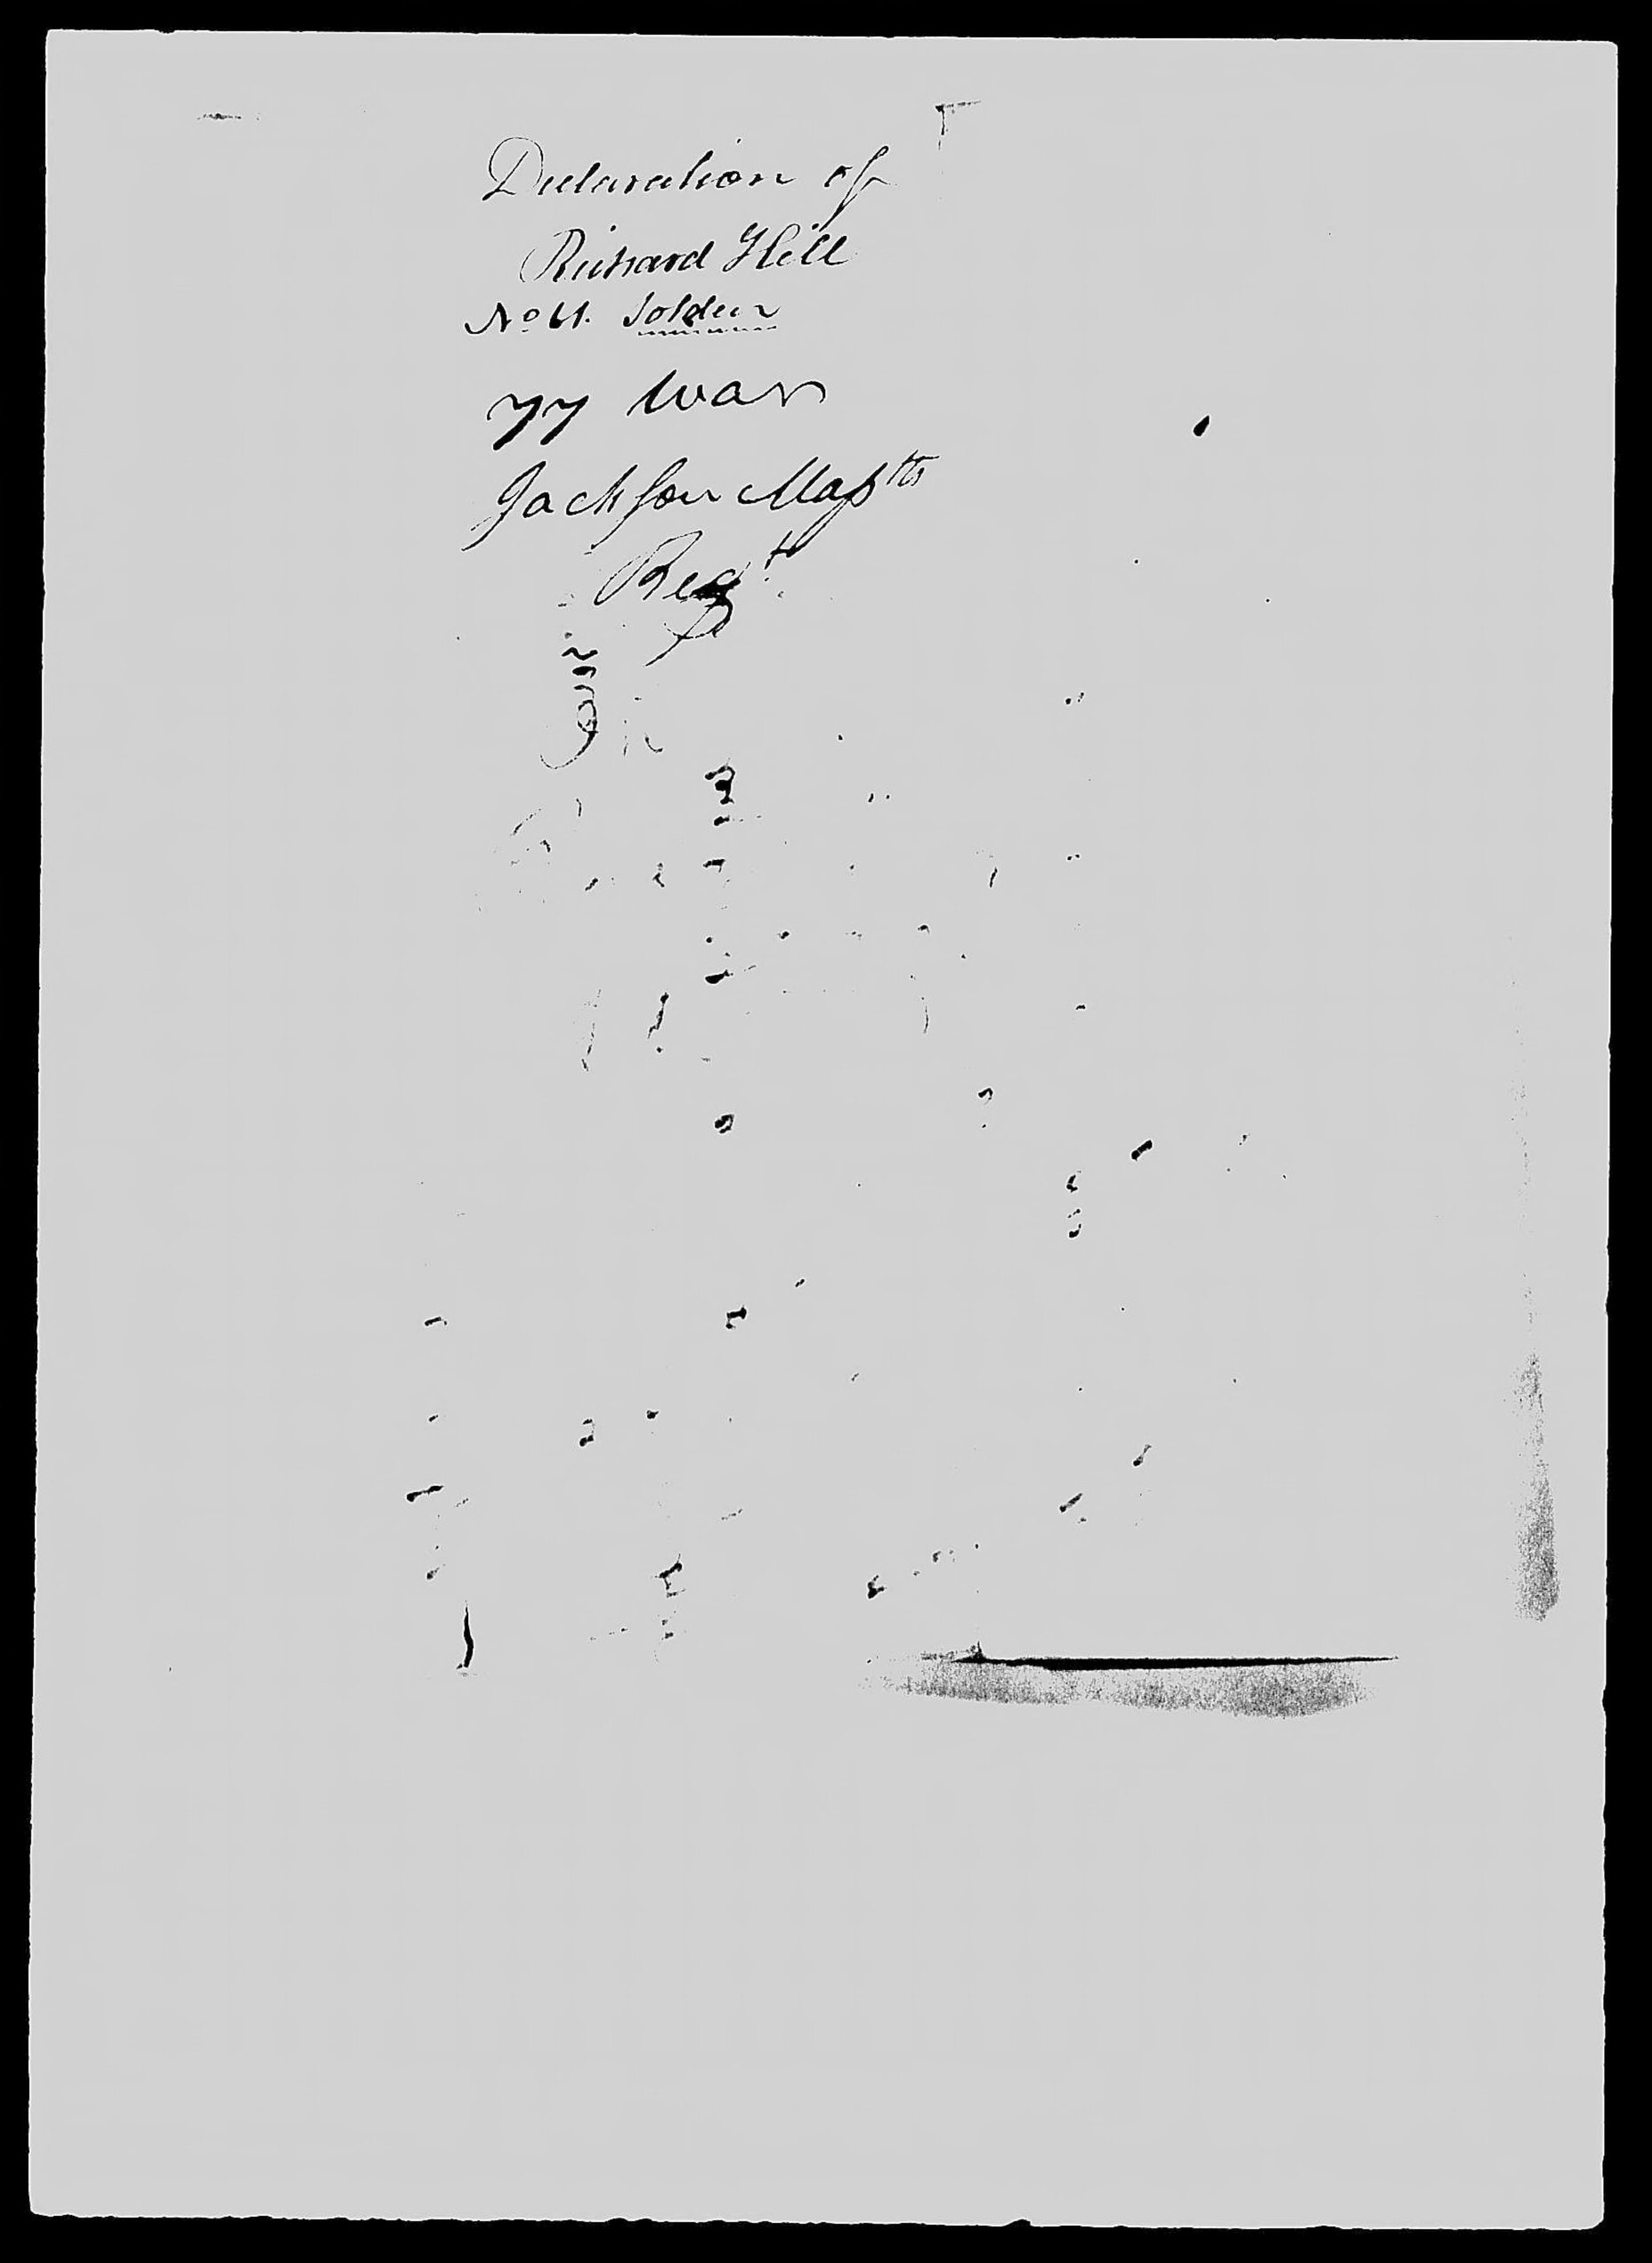Declaration of
Richard Hill
[illegible] soldier
yy War
Jack for Massths [Massachusetts]
Reg.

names: Richard Hill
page: 4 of 7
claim: survivor's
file: S 39,687, Richard Hill, Mass.